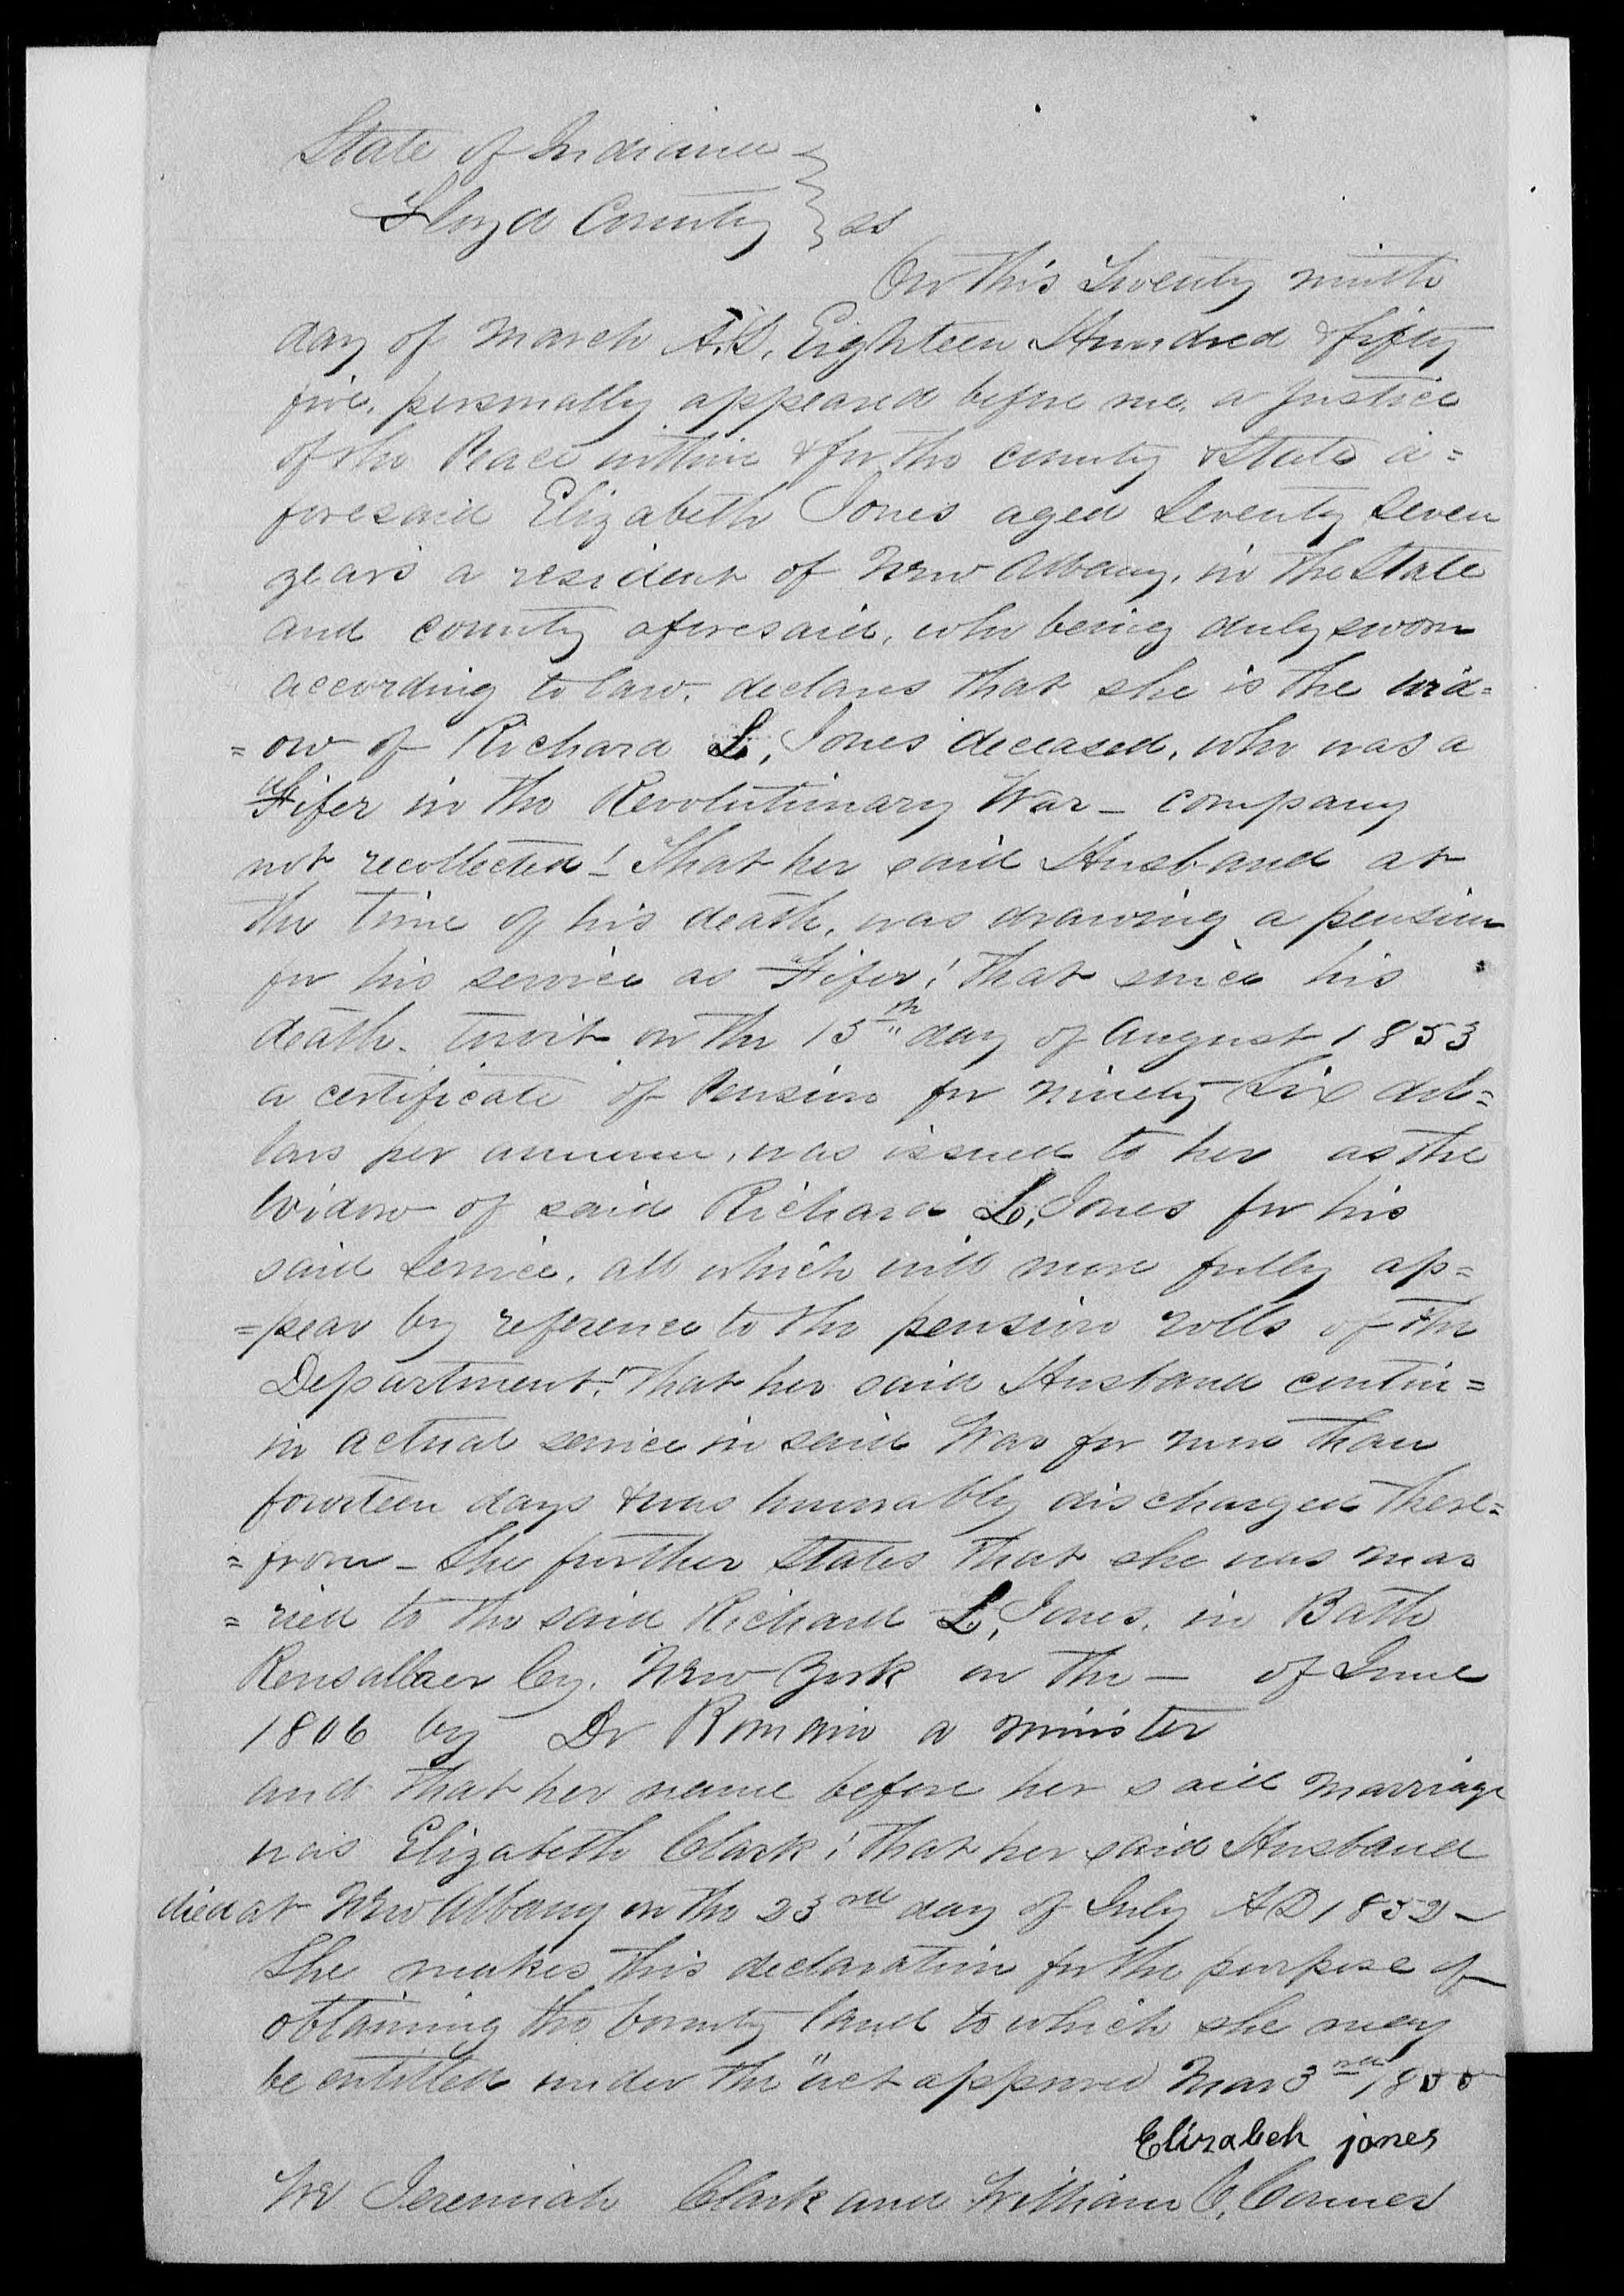State of Indiana ⎬
Floyd County
On this Twenty ninth
day of March A.D. Eighteen Hundred fifty
five, personally appeared before me a Justice
of the Peace within & for the County & State aforesaid Elizabeth Jones aged Seventy Seven
years a resident of New Albany, in the State
and County aforesaid, who being duly sworn
according to law, declares that she is the widow of Richard L. Jones deceased, who was a
Fifer in the Revolutionary War, company
not recollected-- That her said Husband at
the time of his death, was drawing a pension
for his service as Fifer, that since his
death. towit on the 15th day of August 1853
a certificate of Pension for ninety six dollars per annum, was issued to her as the
Widow of said Richard L. Jones for his
said service, all which will more fully appear by reference to the pension rolls of the
Department, that her said Husband continue in
actual service in said war for more than
fourteen days & was honorably discharged there from. She further states that she was married to the said Richard L. Jones, in Bath
Rensselaer Cy, New York in the- of June
1806 by Dr Romain a Minister
and that her name before her said marriage
was Elizabeth Clark, that her said Husband
died at New Albany on the 23rd day of July AD 1852 -
She makes this declaration for the purpose of
obtaining the bounty land to which she may
be entitled under the act approved March 3rd 1855.

Elizabeth Jones
We Jeremiah Clark and William C. Conner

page: 7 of 62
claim: widow's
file: W. 765, for Richard L Jones, Connecticut